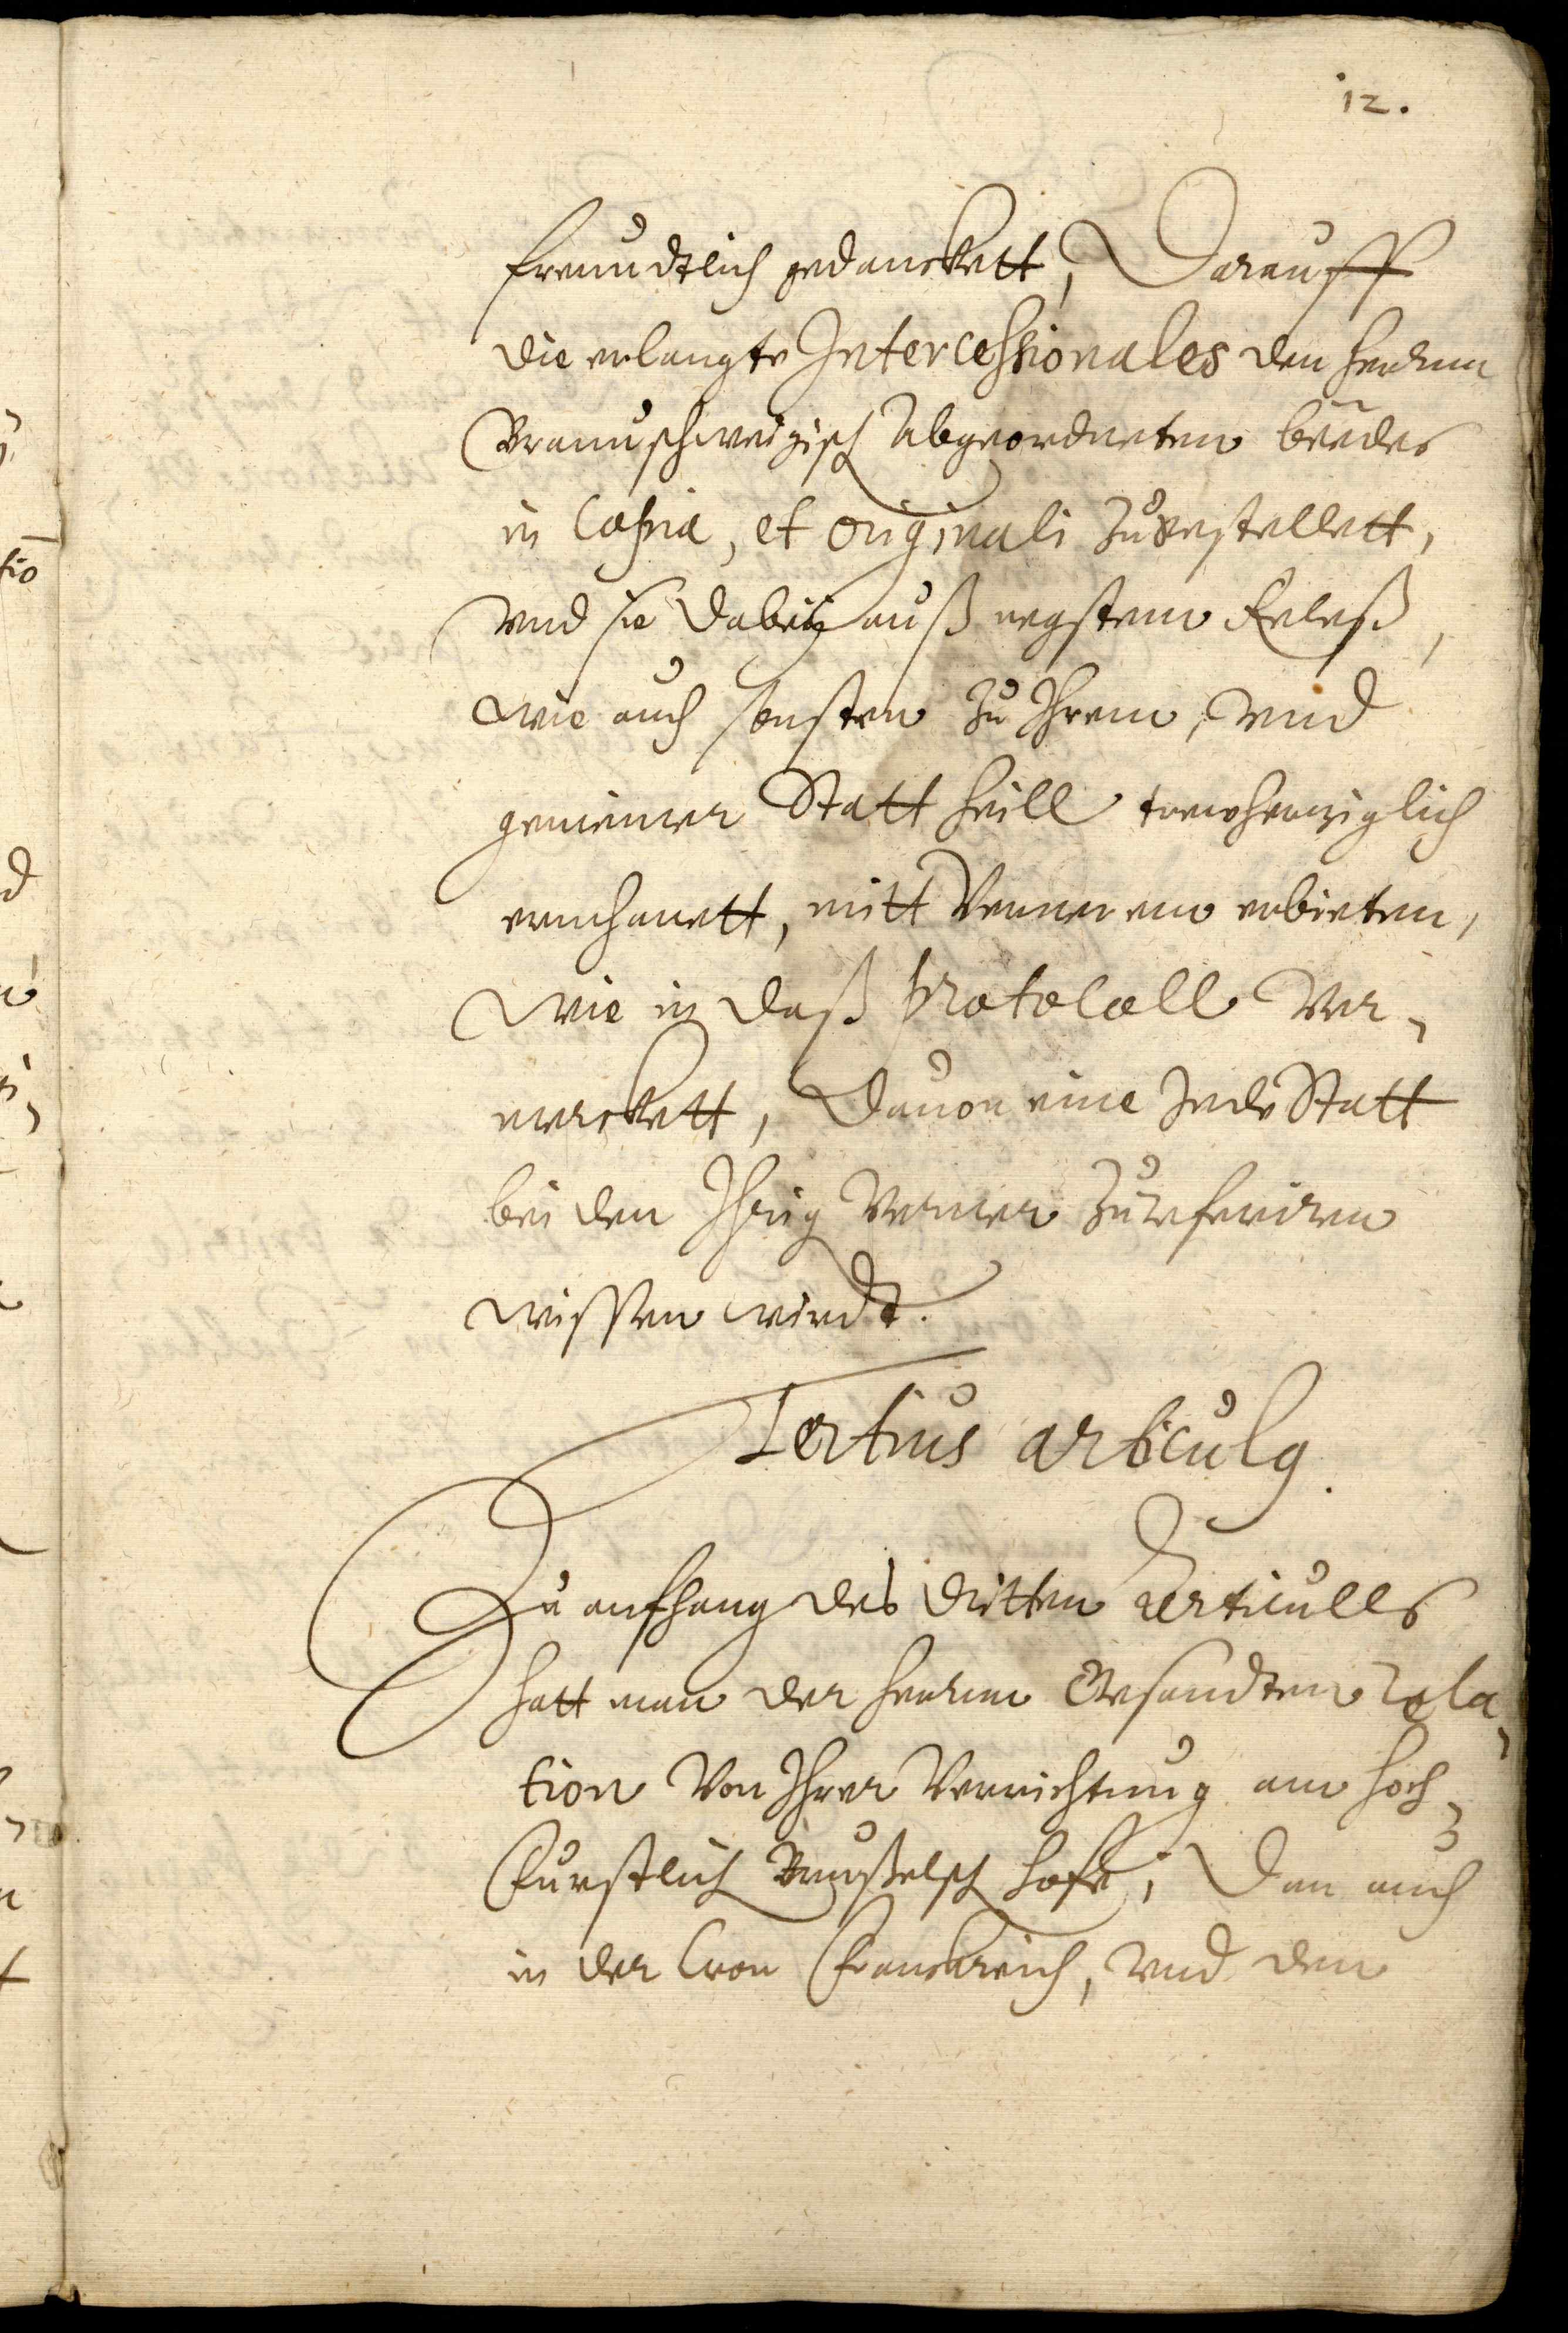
12.
freundlich gedankett, Daruff
die erlangte Intercessionales den herrnn
Braunschweigischen abgeordneten beedes
in Copia, et originali zu gestellett,
vnd sie dabeij auß negstem Receß,
wie auch sonsten zu Ihrem, vnd
gemeiner Statt heill trewherziglich
ermahnett, mitt Vernerem erbieten,
wie in daß Protocoll ver¬
merckett, dauon eine Jede Statt
bei den Ihrigen verner zu referiren
wissen wirdt.
Tertius articulus.
Zu anfhang des dritten articulls
hatt man der herrnn Gesandten Rela¬
tion von Ihrer Verrichtung am hoch¬
furstlichen Brußelschen hofe, dan auch
in der von Franckreich,vnd den
